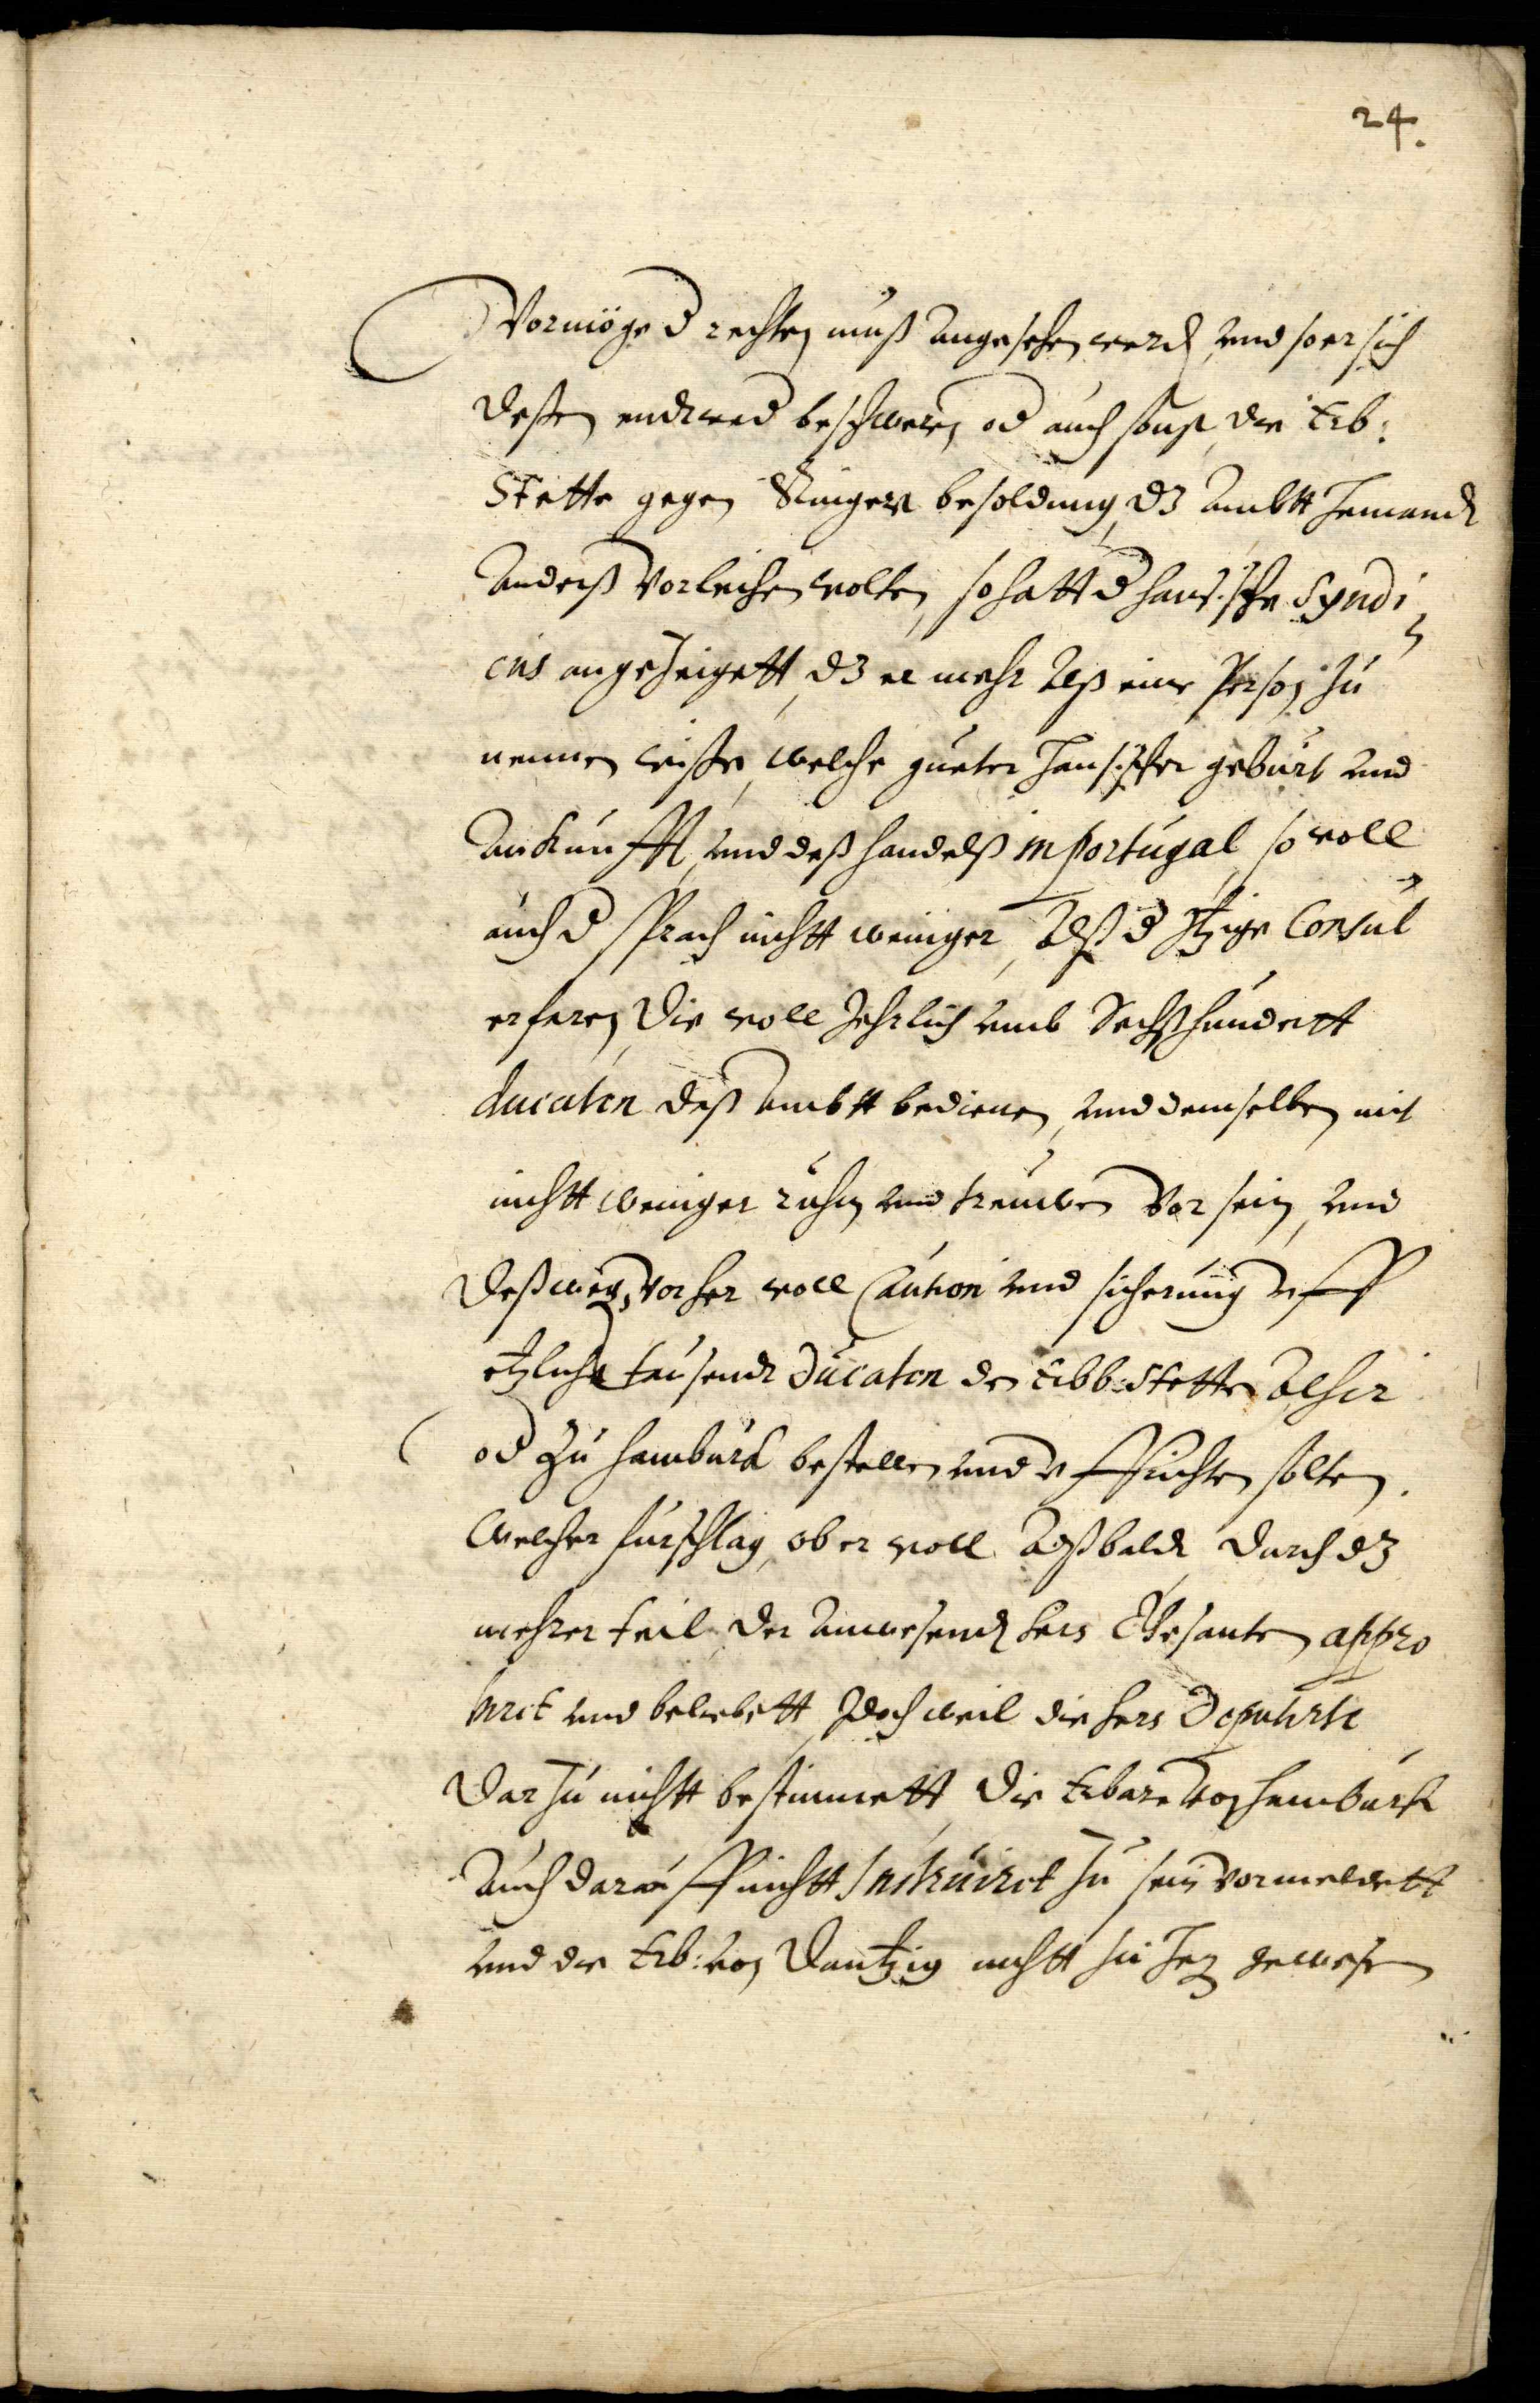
24.
Vormöge der rechten muß angesehen werden vnd so er sich
deßen endtweder beschweren oder auch sonst die Erb:
Stette gegen Ringerst besoldung das Ambtt Jemandt
Andriß Vorleihen wolten, so hatt der hansische Syndi¬
cus angezeigett, das er mehr alß eine Person zu
nennen wiße, welche gueter hansischer geburt vnd
Ankunfft, vnd deß handelß in portugal, so woll
auch der sprach nichtt weiniger, Alß der Itzige Consul
erfaren, die woll Jehrlich vmb Sechßhundertt
ducaten deß Ambtt bedienen, vnnd demselben mit
nichtt weniger ruhm vnd treuwen vor sein, vnd
deßwegen, Vorher woll Caution vnd sicherung vff
etzliche tausendt ducaten den Erbb: Stetten Alhir
oder zu hamburk bestellen vnd vffrichten solten.
welcher furschlag, ob er woll Alßbaldt durch das
mehrer teil der Anwesenden hern Gesanten appro
biret vnd beliebett, jedoch weil die hern Deputirte
darzu nicht bestimmett, die Erbarn von Hamburk
auch darauff nichtt Instruiret zu sein vormeldett
vnd die Erb: von Dantzig nichtt zu Jegen gewesen
